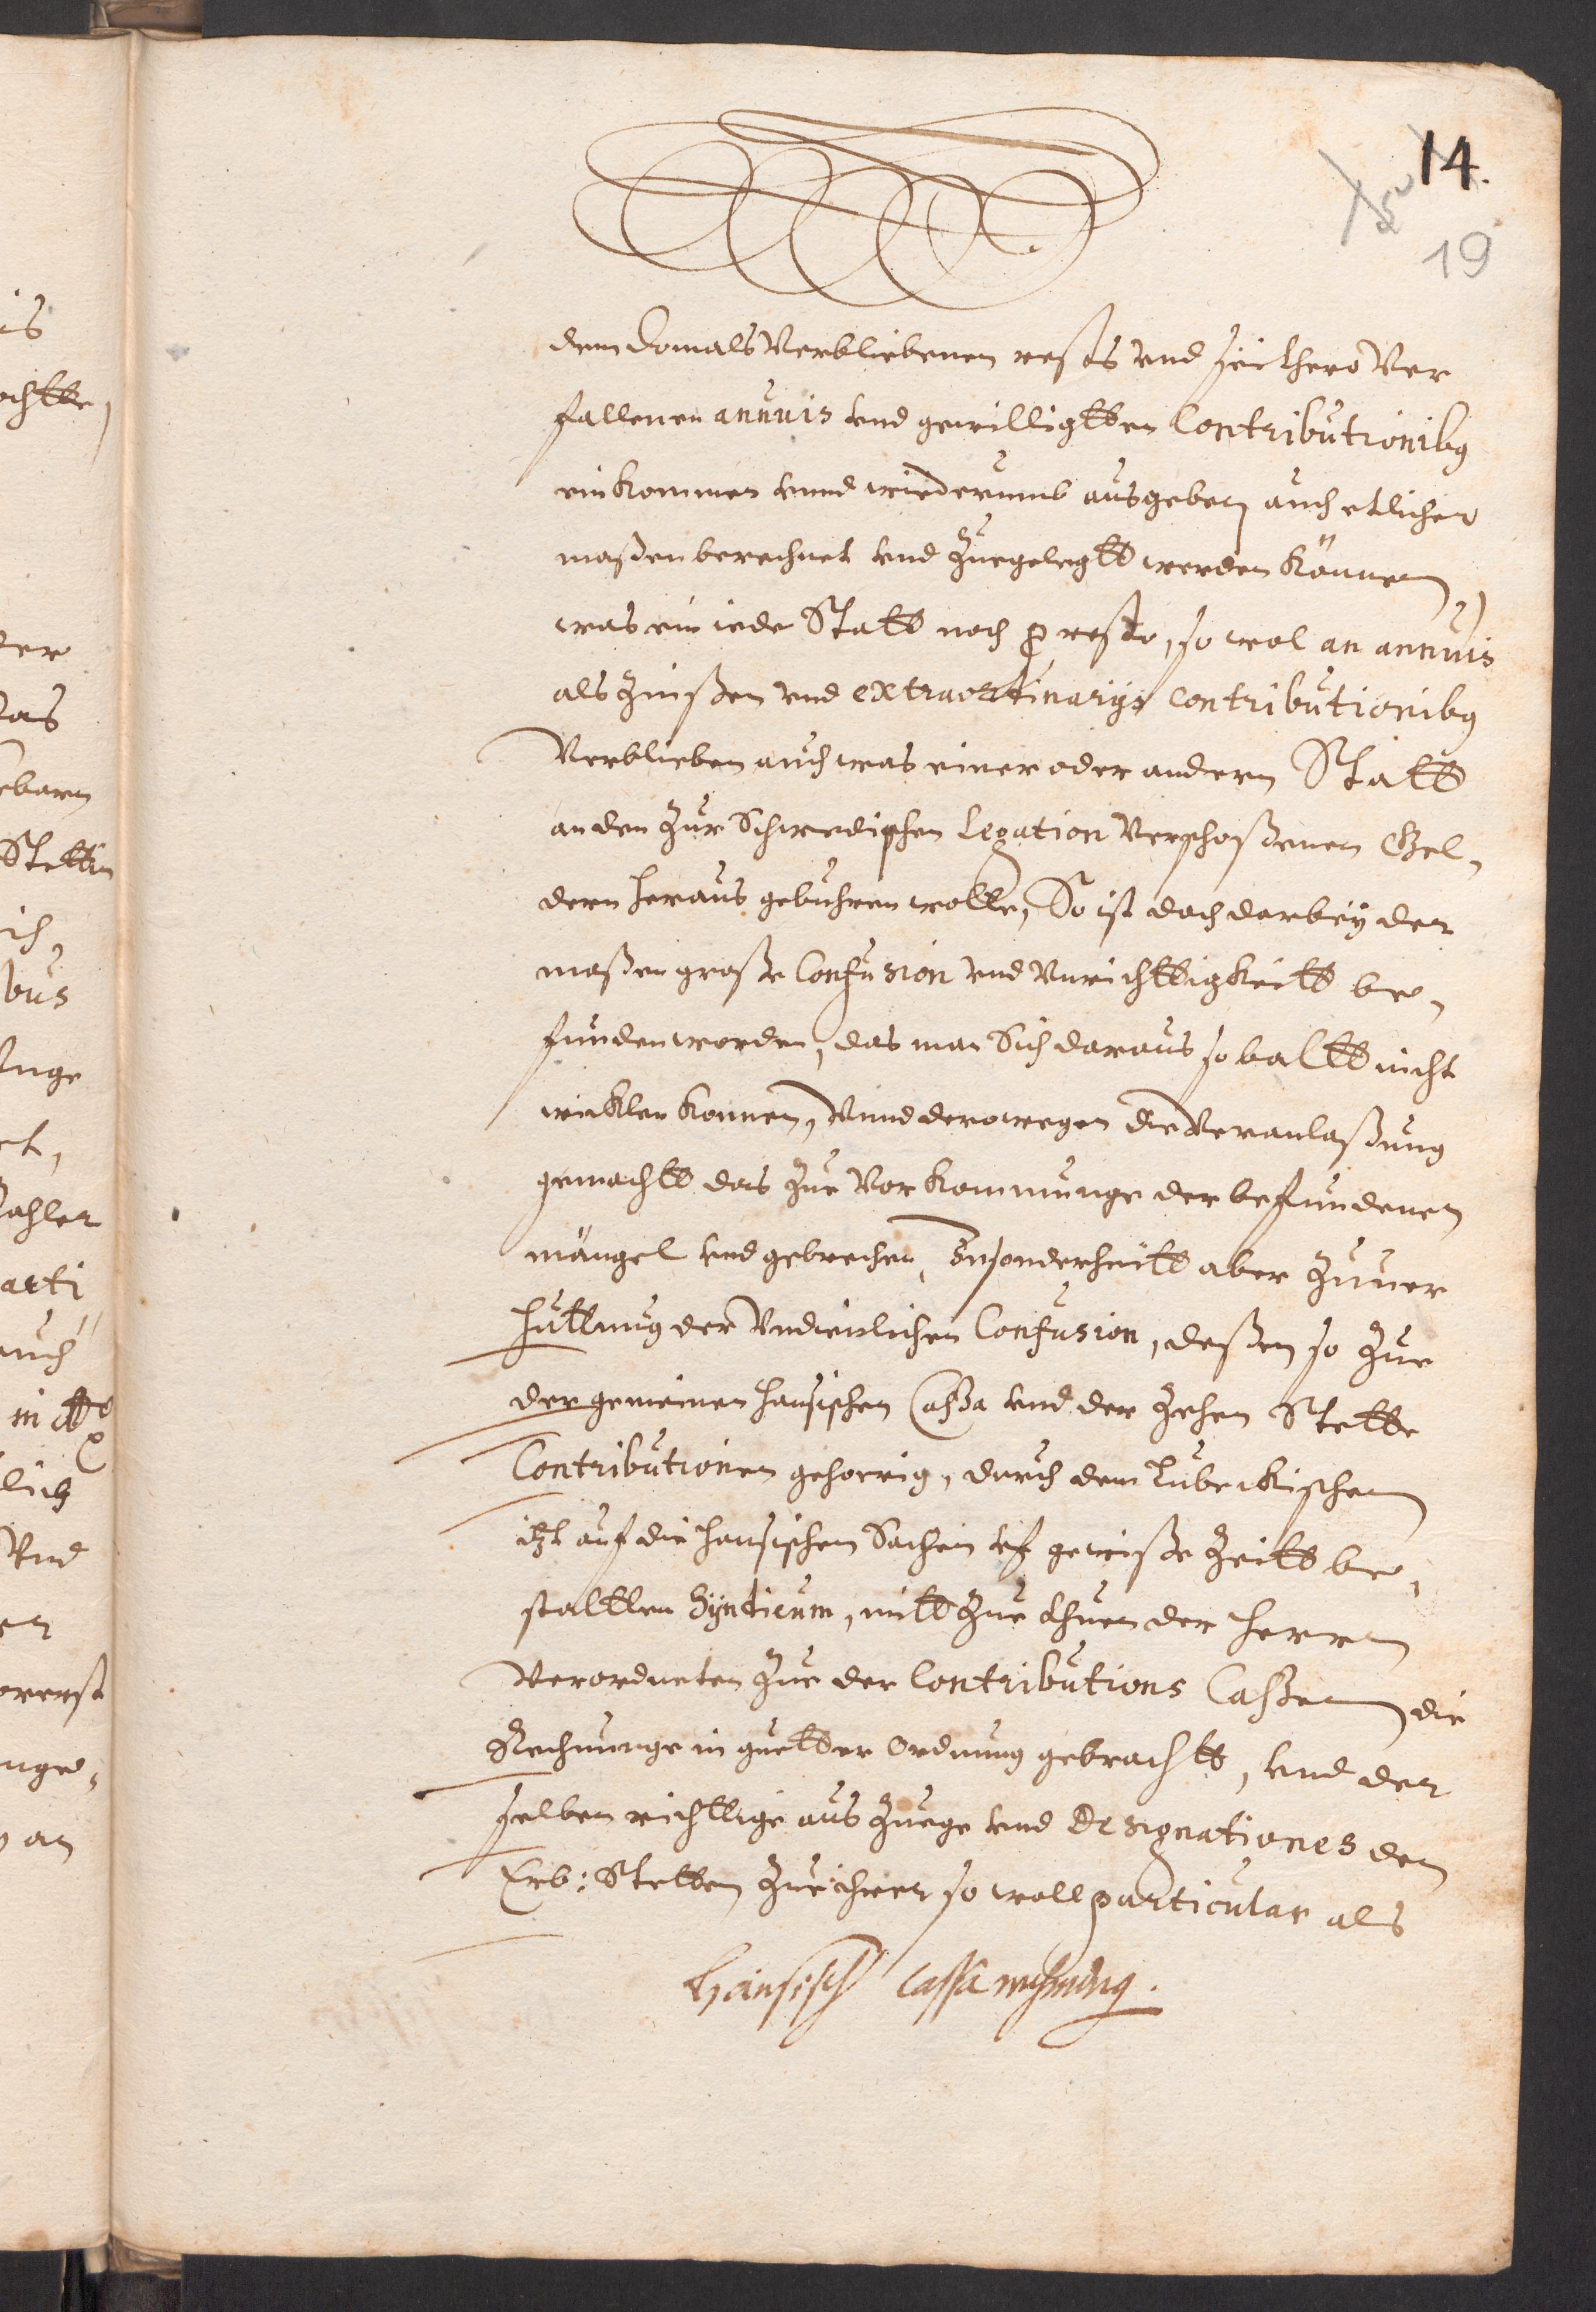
14
dem domals Verbliebenen rests vnd seithero Ver
fallenen annuis vnd gewilligtten Contributionibus
einkommen vnnd wiederumb ausgeben auch etlicher
maßen berechnet vnd zuegelegtt werden können
was ein iede Statt noch pro resto, so wol an annuis
als zinßen vnd extraordinarijs contributionibus
Verblieben auch was einer oder andern Statt
an dem zur Schwedischen Legation verschoßenen Gel¬
dern heraus gebuhren wolte, So ist doch darbeij der
maßen große Confusion vnd vnrichttigkeitt be¬
funden worden, das man Sich daraus so baltt nicht
wicklen konnen, Vnnd derowegen die Veranlaßung
gemachtt das zue Vorkommunge der befundenen
mängel vnd gebrechen, Insonderheitt aber zuuer
huttung der Vndienlichen Confusion, deßen so zue
der gemeinen hansischen Cassa vnd der zehen Stette
Contributionen gehoerig, durch dem Lubeckischen
itzt auf die hansischen Sachen vf gewiße zeitt be¬
staltten Sijndicum, mitt zue thuen der herrn
Verordneten zue der Contributions Cassen die
Rechnunge in guetter Ordnung gebrachtt, vnd der
selben richttige auszuege vnd Designationes den
Erb: Stetten zue ihrer so woll particular als
Hansisch cassa rechnung.
